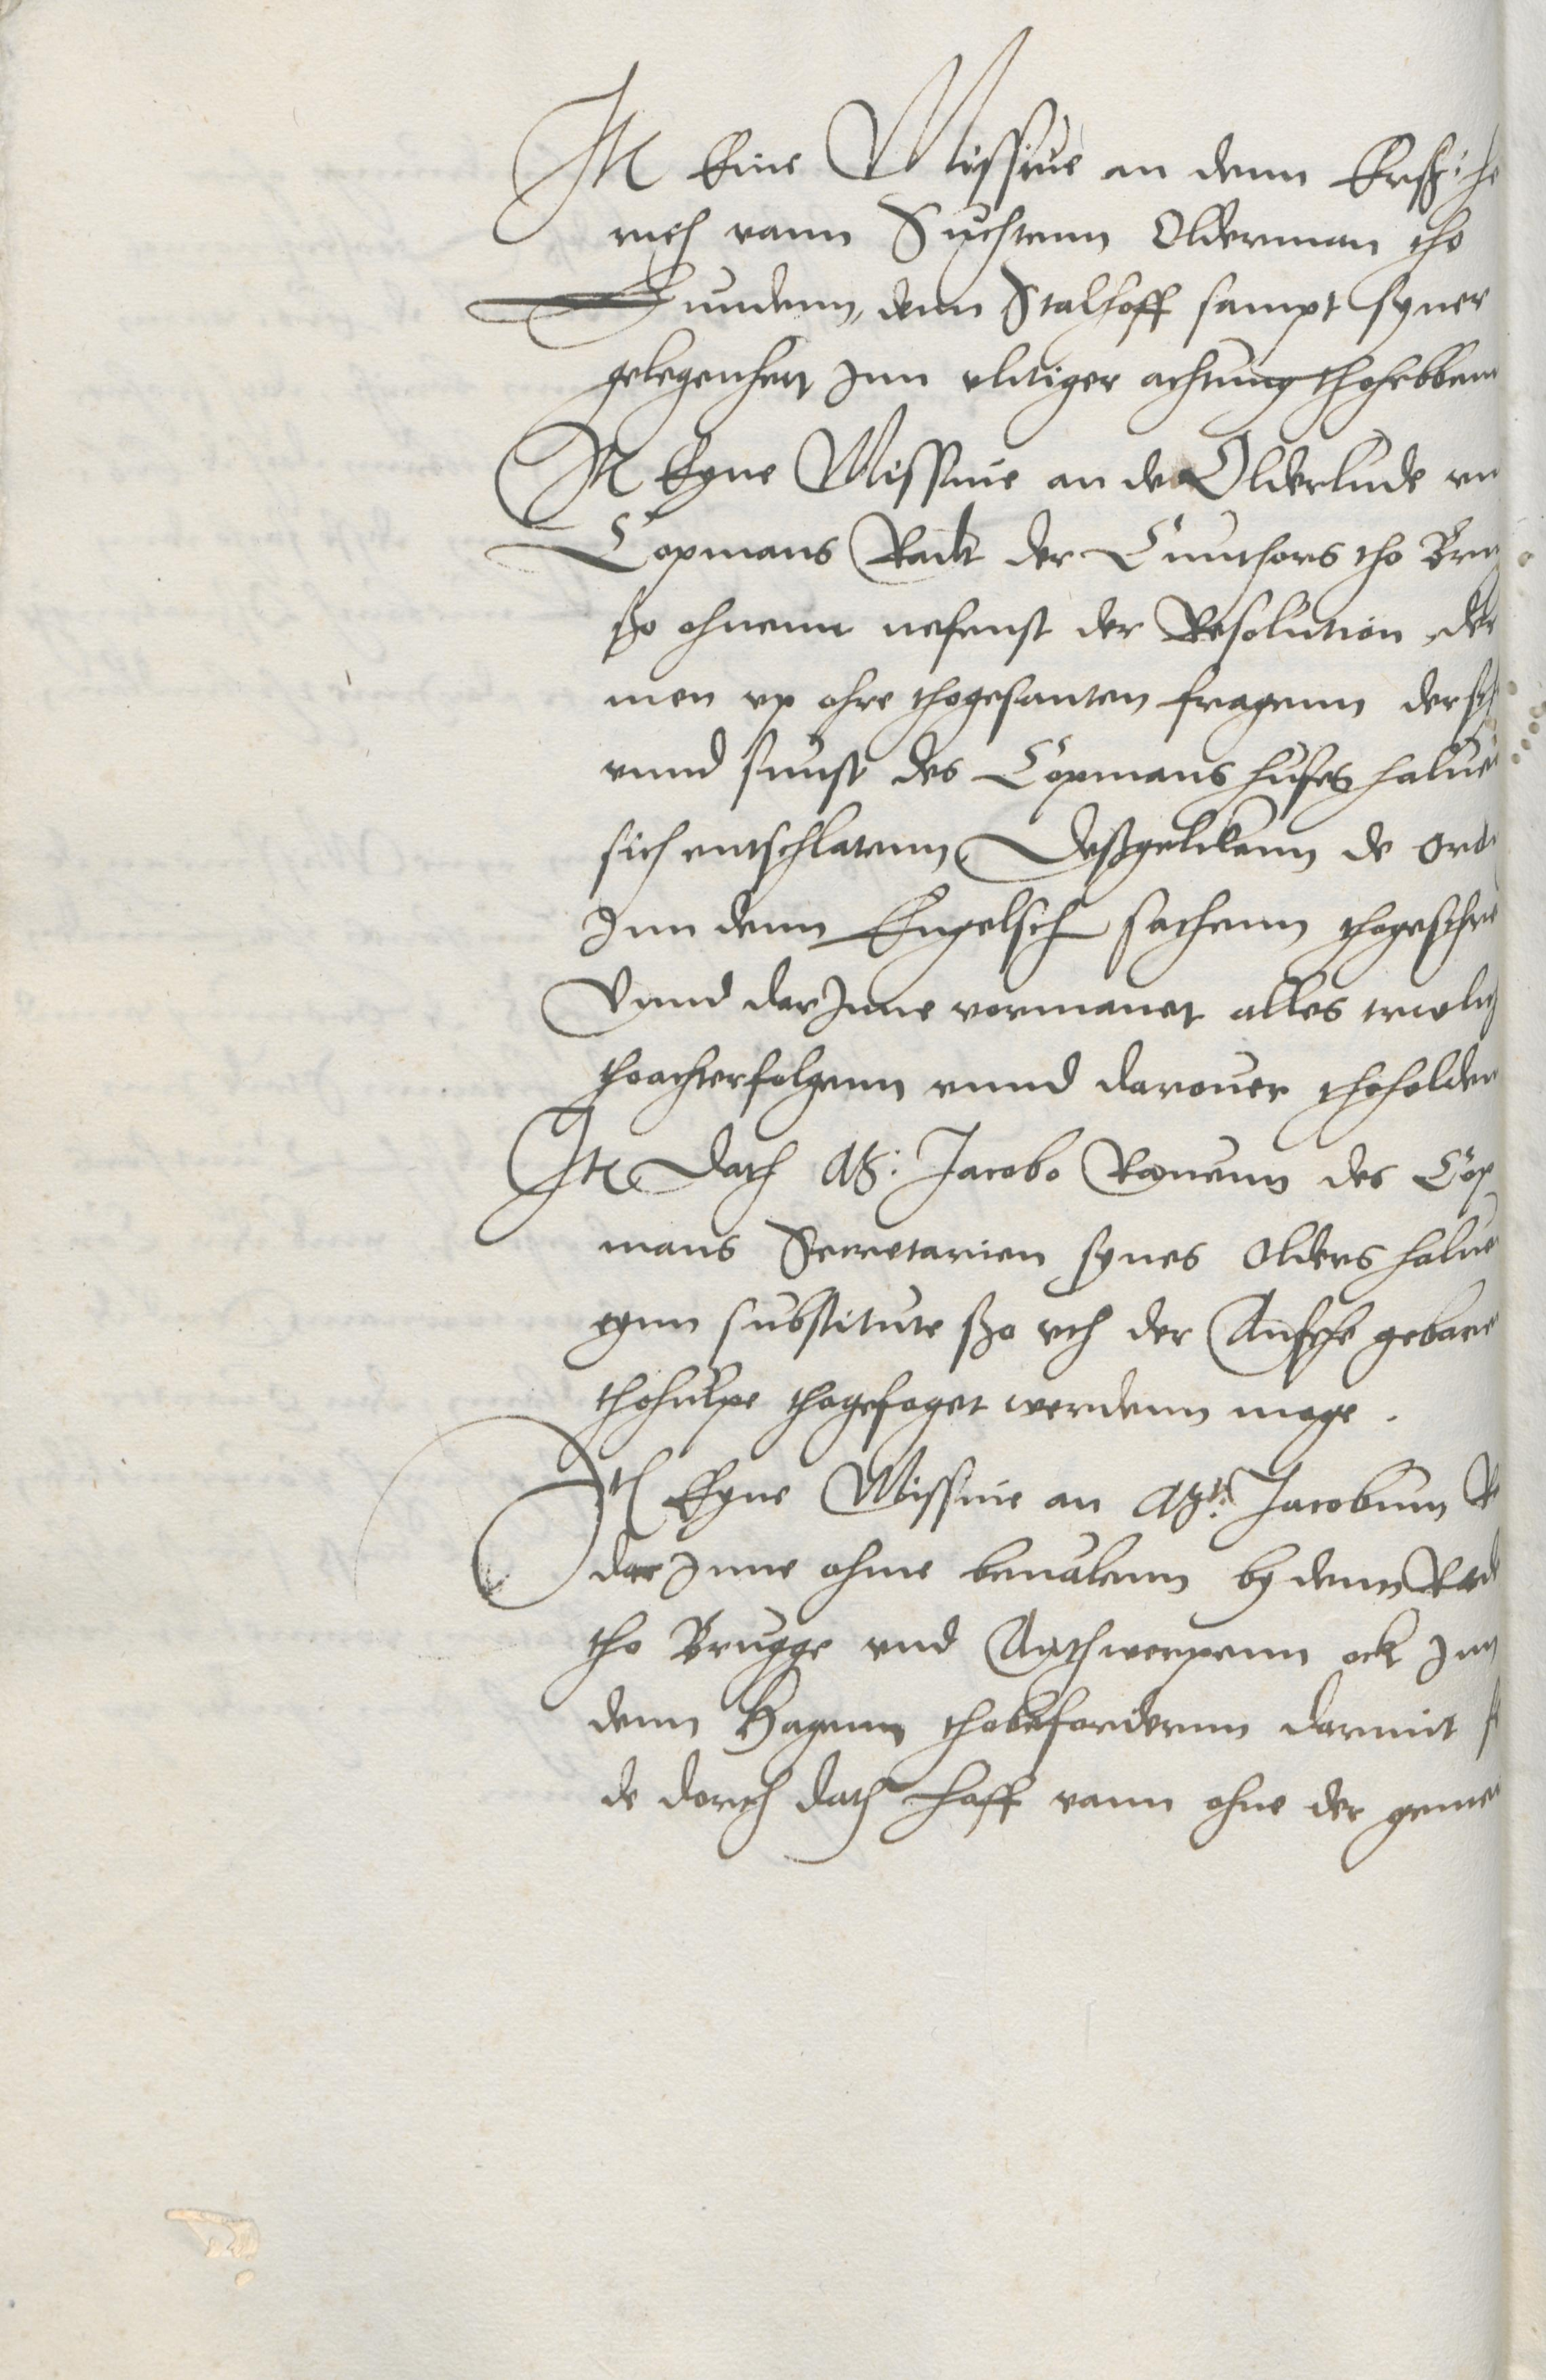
Item Eine Missiue an denn Erß: He
rich vann Suchtenn Olderman tho
Lundenn, denn Stalhoff sampt syner
gelegenheit jnn vlitiger achtung thohebbenn
Item Eyne Missiue an de Olderlude vn
Copmans Radt der Cunthors tho Brug
ßo ohnenn nefenst der Resolution der
men vp ohre thogesanten fragenn der sch
vnnd sunst des Copmans huses haluen
sich entschlatenn Deßgelikenn de Orde
jnn denn Engelschen sachenn thogeschre
Vnnd darjnne vormanet alles trwlich
thoachterfolgenn vnnd darouer thoholden
Item Dath M: Jacobo Rauenn des Cop
mans Secretarien synes Olders haluen
eynn substitute ßo vth der Ansehe gebaren
thohulpe thogesaget werdenn moge.
Item Eyne Missiue an M: Jacobum R
darjnne ohme beualenn by denn Rade
tho Brugge vnd Anthwerpenn ock jnn
denn Hagenn thobefordernn darmit se
de dorch dath Hoff vann ohne der gemei
